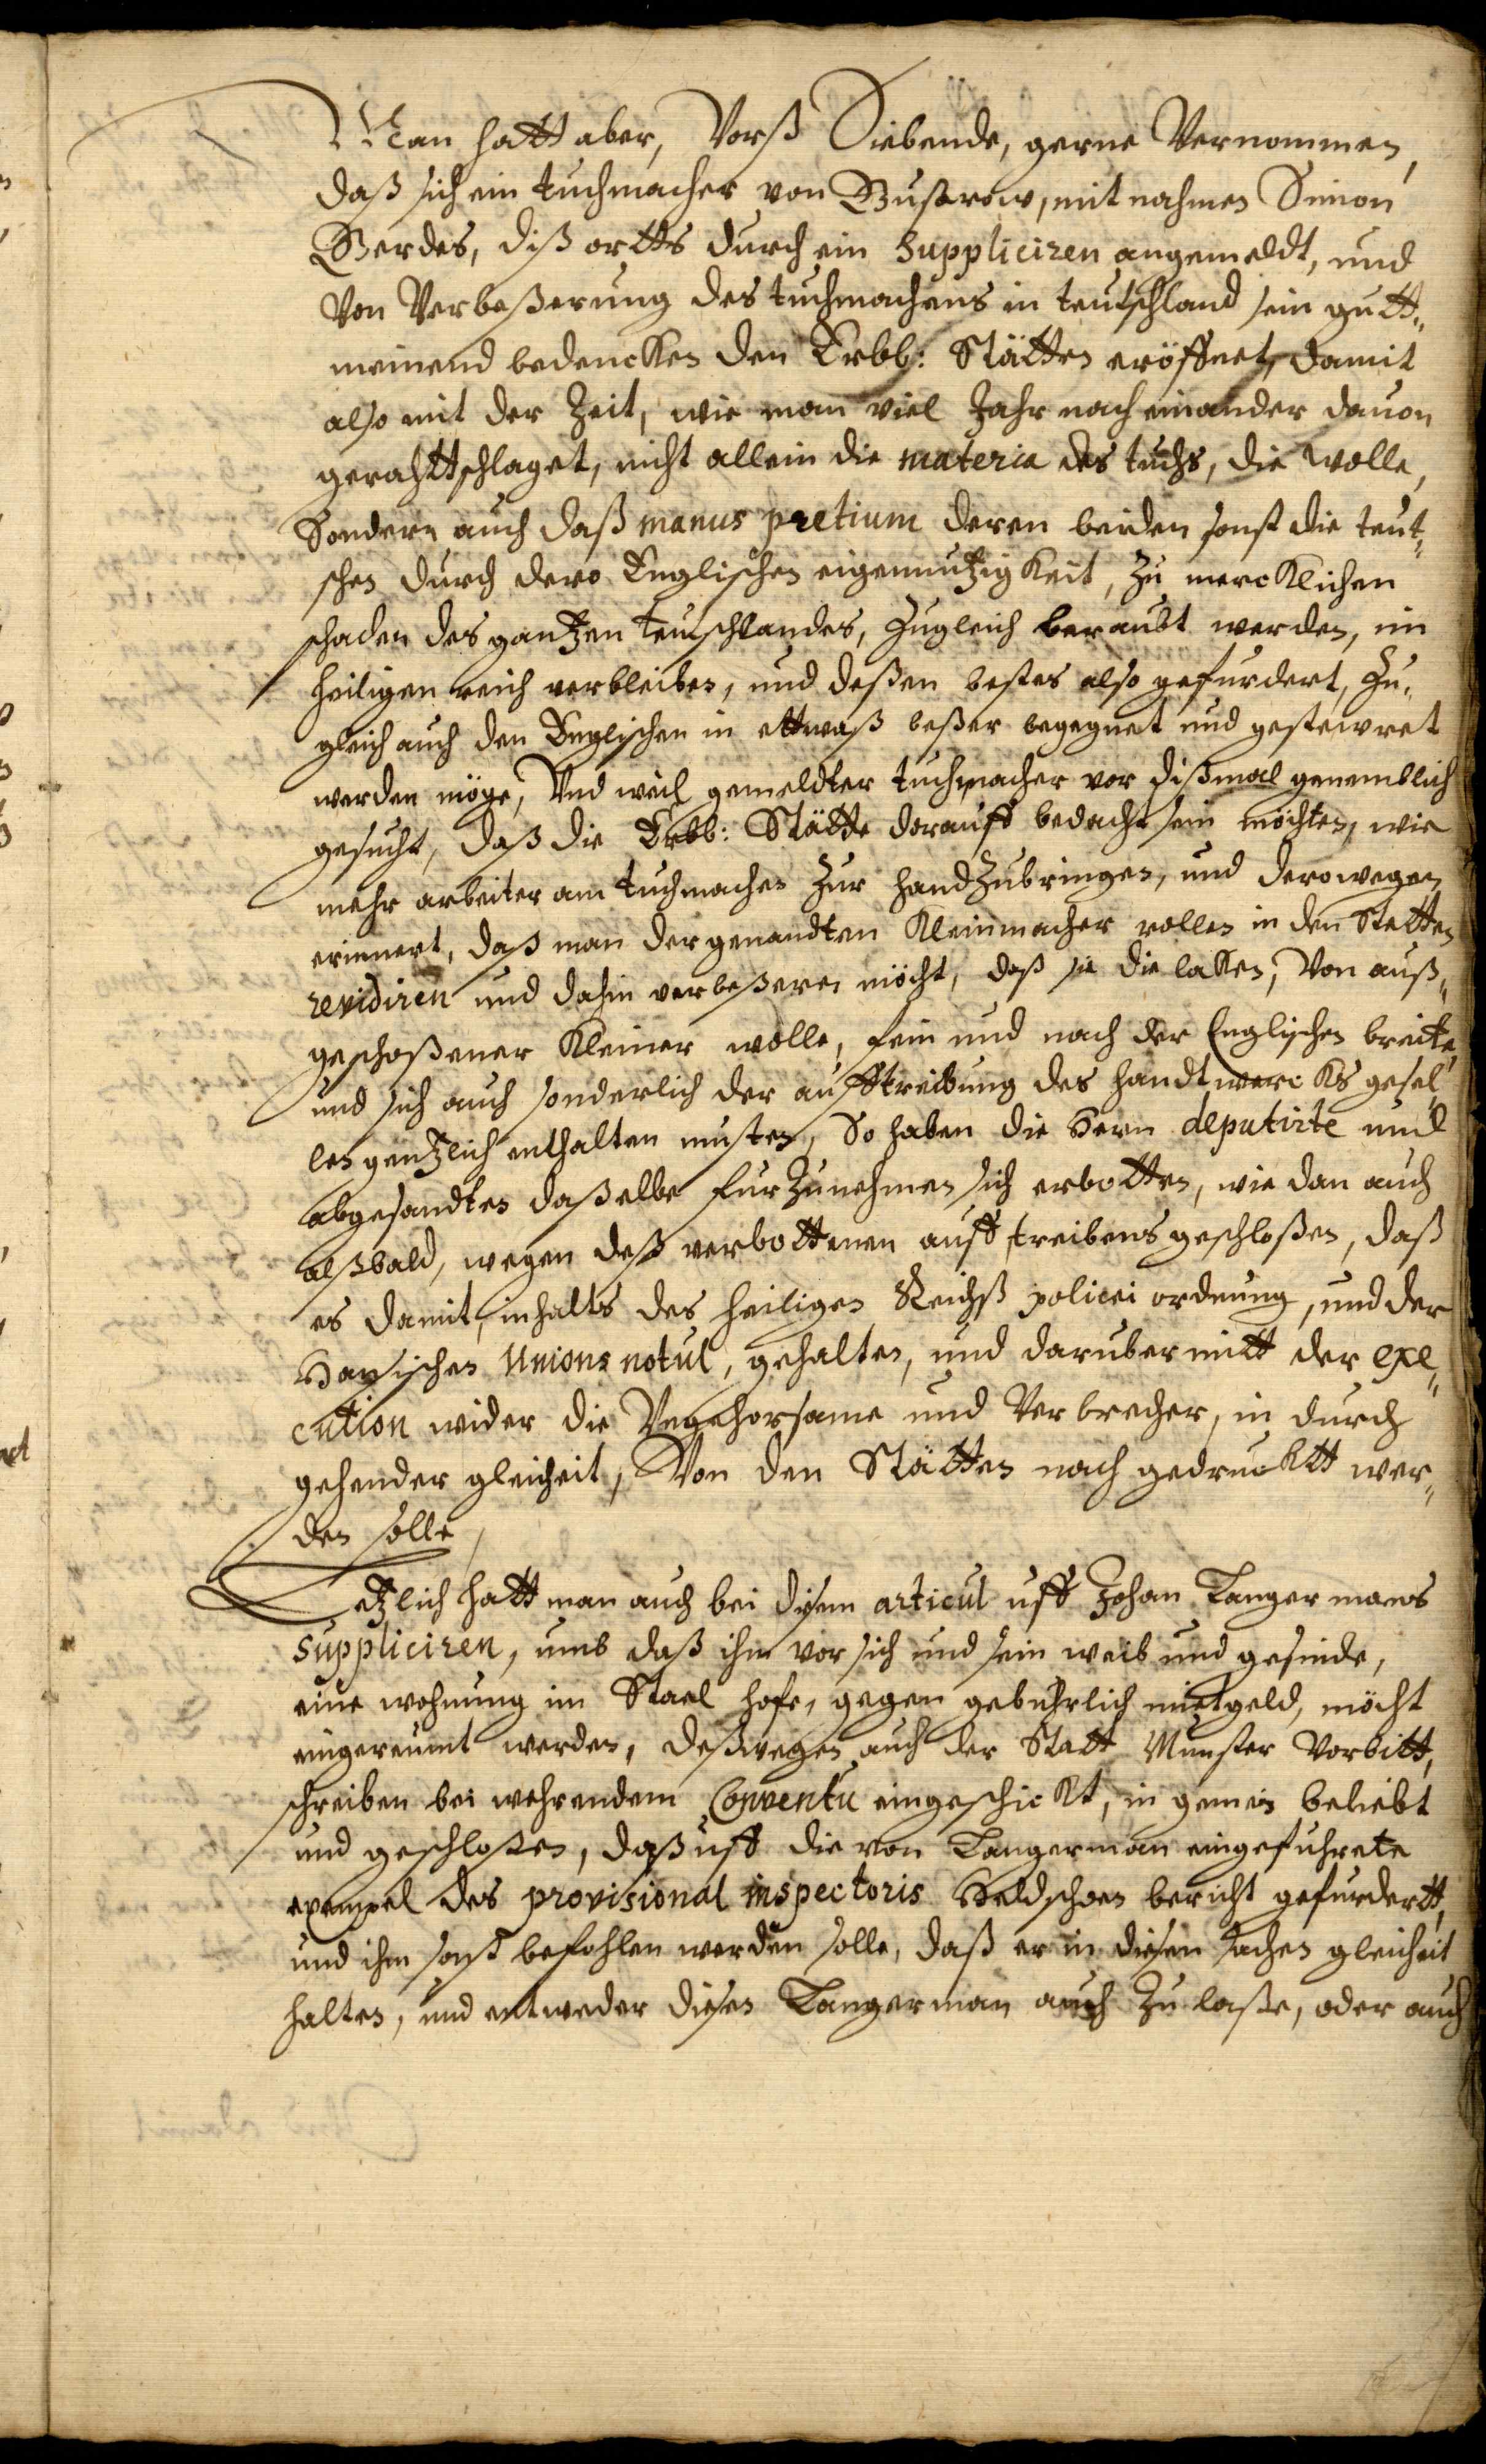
Man hatt aber, Vorß Siebende, gerne Vernommen,
daß sich ein tuchmacher von Gustrow, mit nahmen Simon
Gerdes, diß ortts durch ein Suppliciren angemeldt, und
von Verbeßerung des tuchmachens in teutschland sein gutt¬
meinend bedencken den Erbb: Stätten eröffnet, damit
also mit der Zeit, wie man viel Jahr nach einander dauon
gerahttschlaget, nicht allein die materia des tuchs, die Wolle,
Sondern auch daß manus pretium, deren beiden sonst die teut¬
schen durch dero Englischen eigennutzigkeit, zu mercklichen
schaden des gantzen teutschlandes, Zugleich beraubt werden, im
heiligen reich verbleiben, und deßen bestes also gefurdert, zu¬
gleich auch den Englischen in ettwaß beßer begegnet und gestewret
werden möge, Vnd weil gemeldter tuchmacher vor dißmahl genemblich
gesucht, daß die Erbb: Stätte darauff bedacht sein möchten, wie
mehr arbeiter am tuchmachen Zur handzubringen, und dero wegen
erinnert, daß man der genandten Kleinmacher vollen in den Stetten
revidiren und dahin verbeßeren möcht, daß sie die laken, Von auß¬
geschoßener kleiner wolle, fein und nach der Englischen breite,
und sich auch sonderlich der aufftreibung des handtwercks gesel¬
len gentzlich enthalten musten, So haben die Hern deputirte vnd
abgesandten daßelbe furzunehmen sich erbotten, wie dan auch
alßbald, wegen deß verbottenen auff treibens geschloßen, daß
es damit, inhalts des heiligen Reichß policei ordnung, und der
Hansischen Unions notul, gehalten, und daruber mitt der exe¬
cution wider die Vngehorsame und Verbrecher, in durch
gehender gleicheit, von den Stätten nach gedrucktt wer¬
den solle,
Letzlich hatt man auch bei disem articul uff Johan Langermans
suppliciren, umb daß ihm vor sich und sein weib und gesinde,
eine wohnung im Stael hofe, gegen gebuhrlich mietgeld, möcht
eingereumt werden, deßwegen auch der Statt Munster Vorbitt,
schreiben bei wehrendem Conventu eingeschickt, in gemein beliebt
vnd geschloßen, daß uff die von Langerman eingefuhrete
exempel des provisional inspectoris Heldschoen bericht gefurdertt,
und ihm sonst befohlen werden solle, daß er in diesen sachen gleicheit
halten, und entweder diesen Langerman auch zu laße, oder auch
